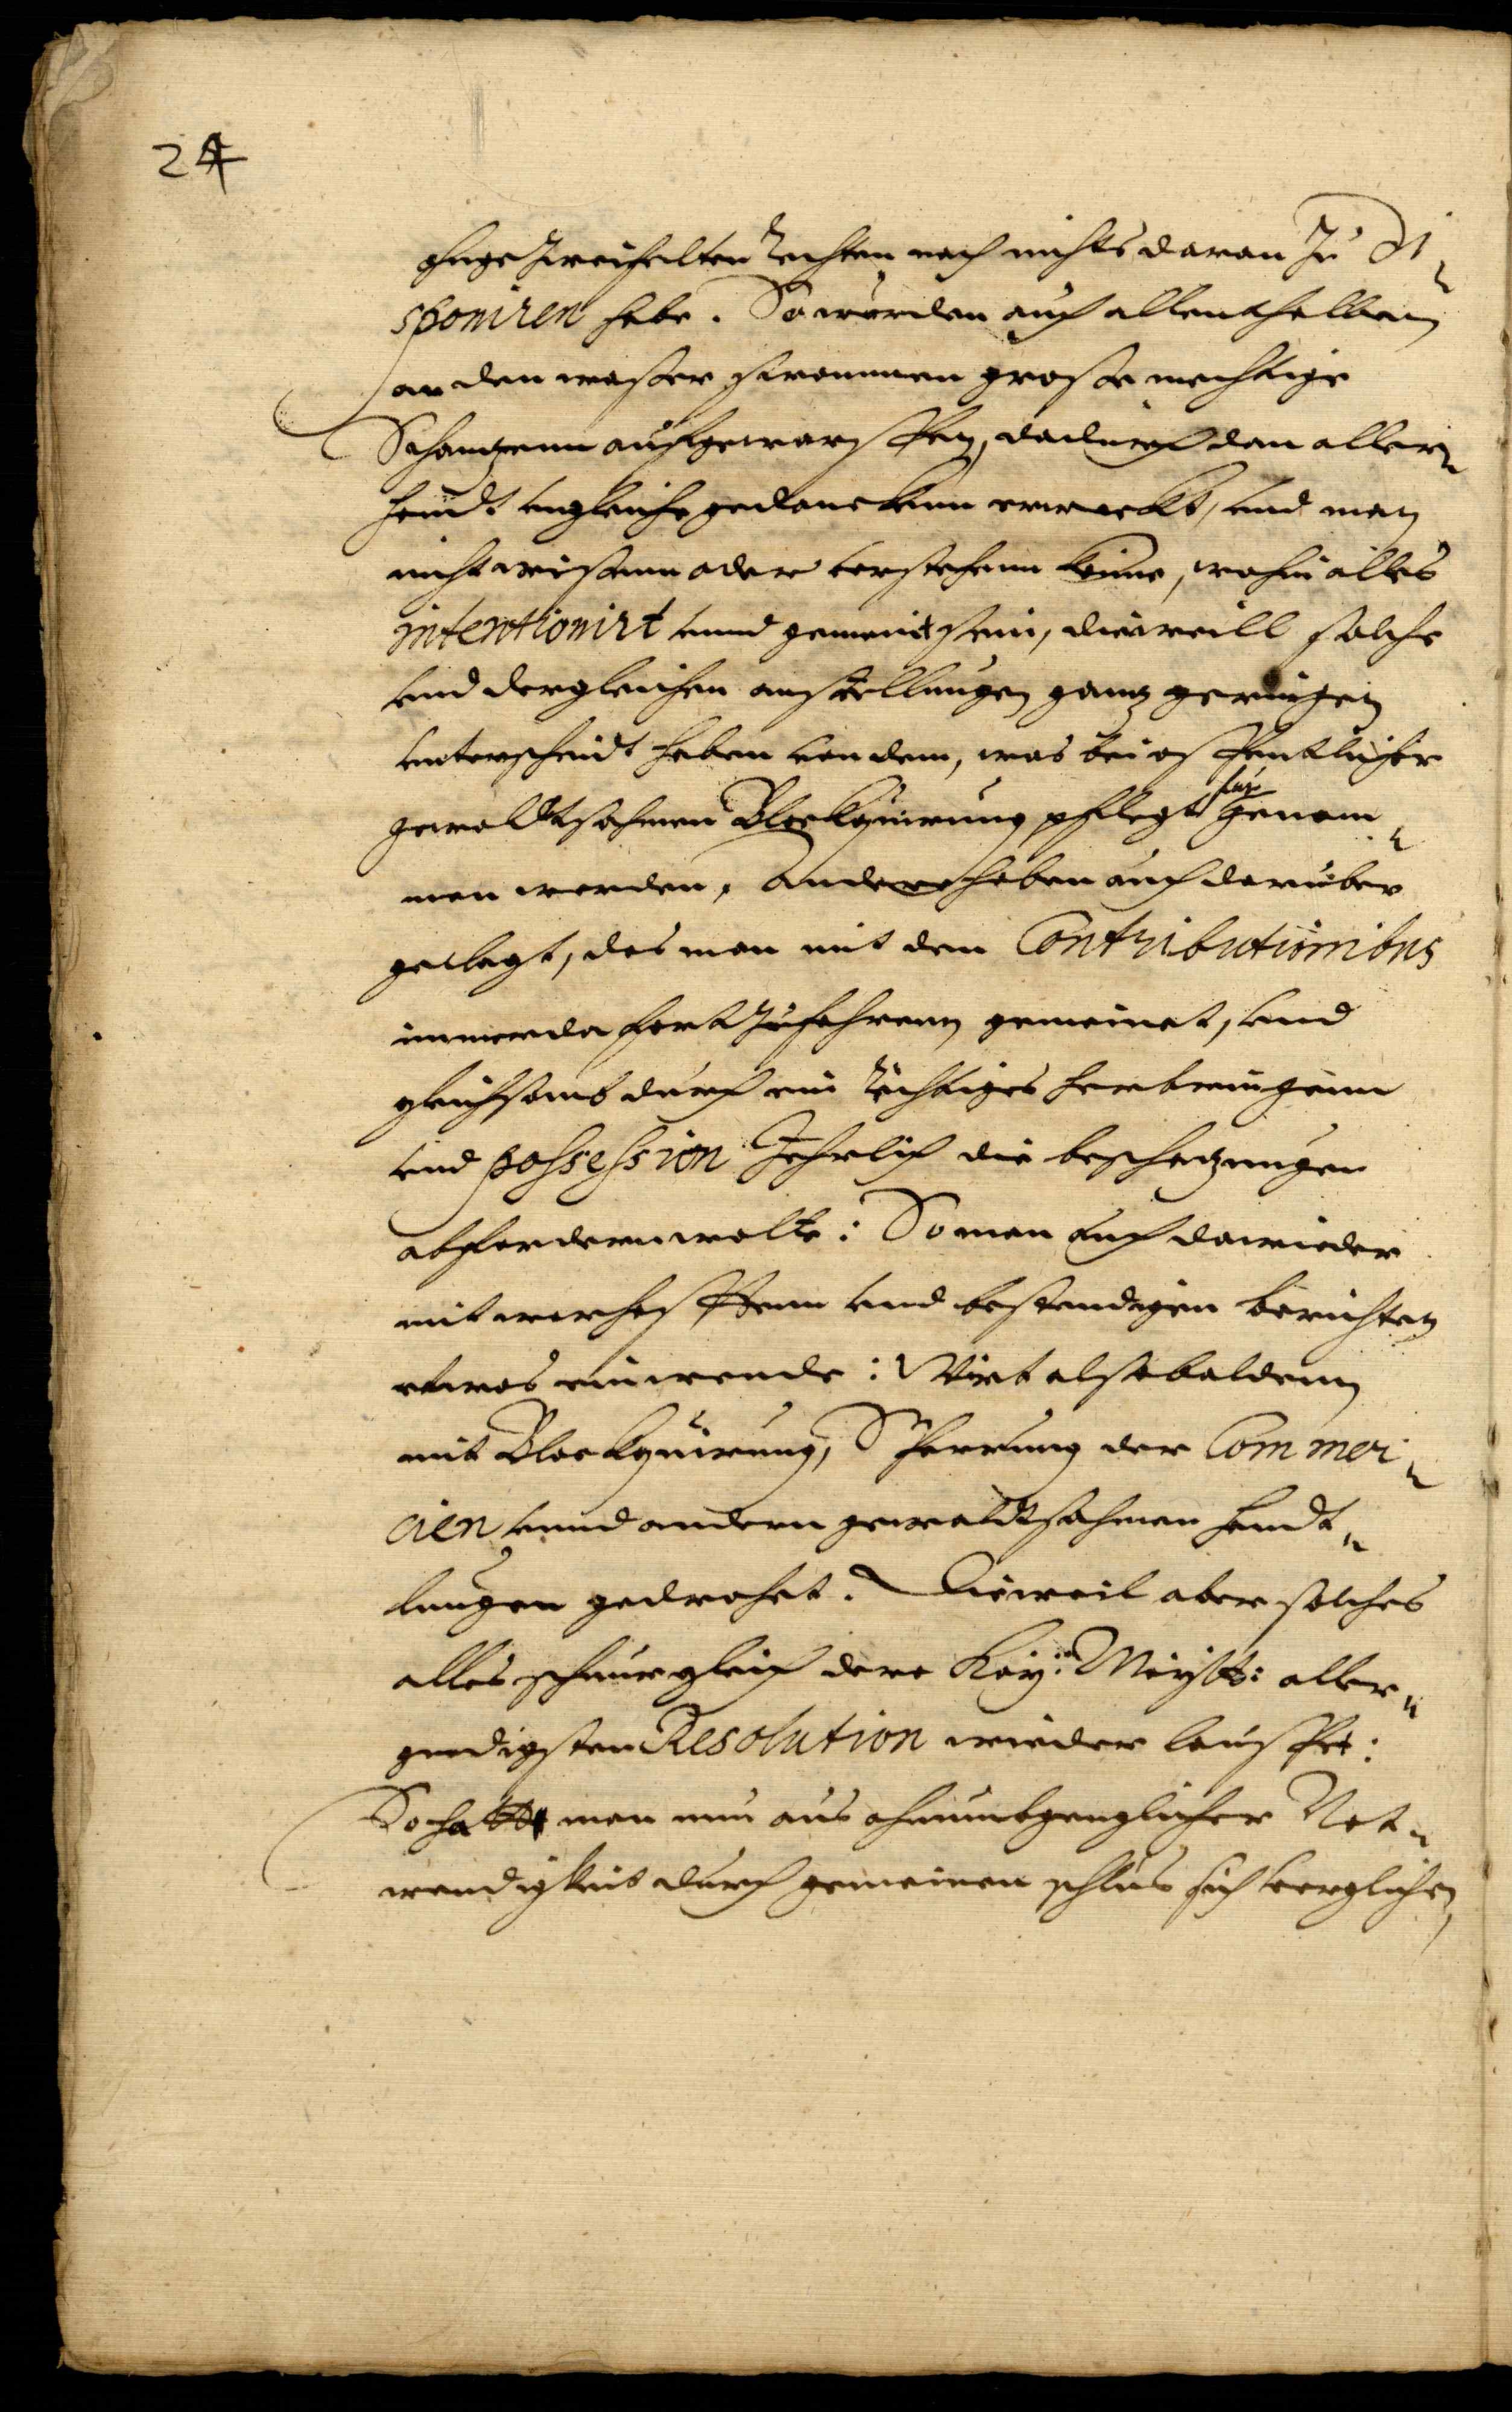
24
ohngezweifelten Rechten nach nichts daran zu di¬
sponiren habe. So wurden auch allenthalben
an den waßer strommen große mechtige
schantzenn aufgeworffen, dadurch dan aller¬
handt vngleiche gedancken erweckt, vnd man
nicht wißenn oder verstehenn könne, wohin alles
intentionirt vnnd gemeint sein, dieweill solche
vnd dergleichen anstellungen gantz geringen
vnterscheidt haben von dem, was bei offentlicher
fur
gewaltsahmen Blockquirung pflegt genom¬
men werden, andere haben auch darüber
geclagt, das man mit den Contributionibus
immerda fortzufahrenn gemeinet, vnd
gleichsamb durch ein Richtiges herbringenn
vnd possession Jehrlich die beschatzungen
abfordern wolte: So man auch dawieder
mit warhafftenn vnd bestendigen berichten
etwas einwende: Wirt also baldenn
mit Blockquirung, Sperrung der Commer¬
cien vnnd andern gewaldtsahmen handt¬
lungen gedrohet. Dieweil aber solches
alles schnur gleich dero Kaij: Maijtt: aller¬
gnedigsten Resolution wieder lauffet:
So hatt man nun aus ohnumbgenglicher Not¬
wendigkeit durch gemeinen schlus sich verglichen,
